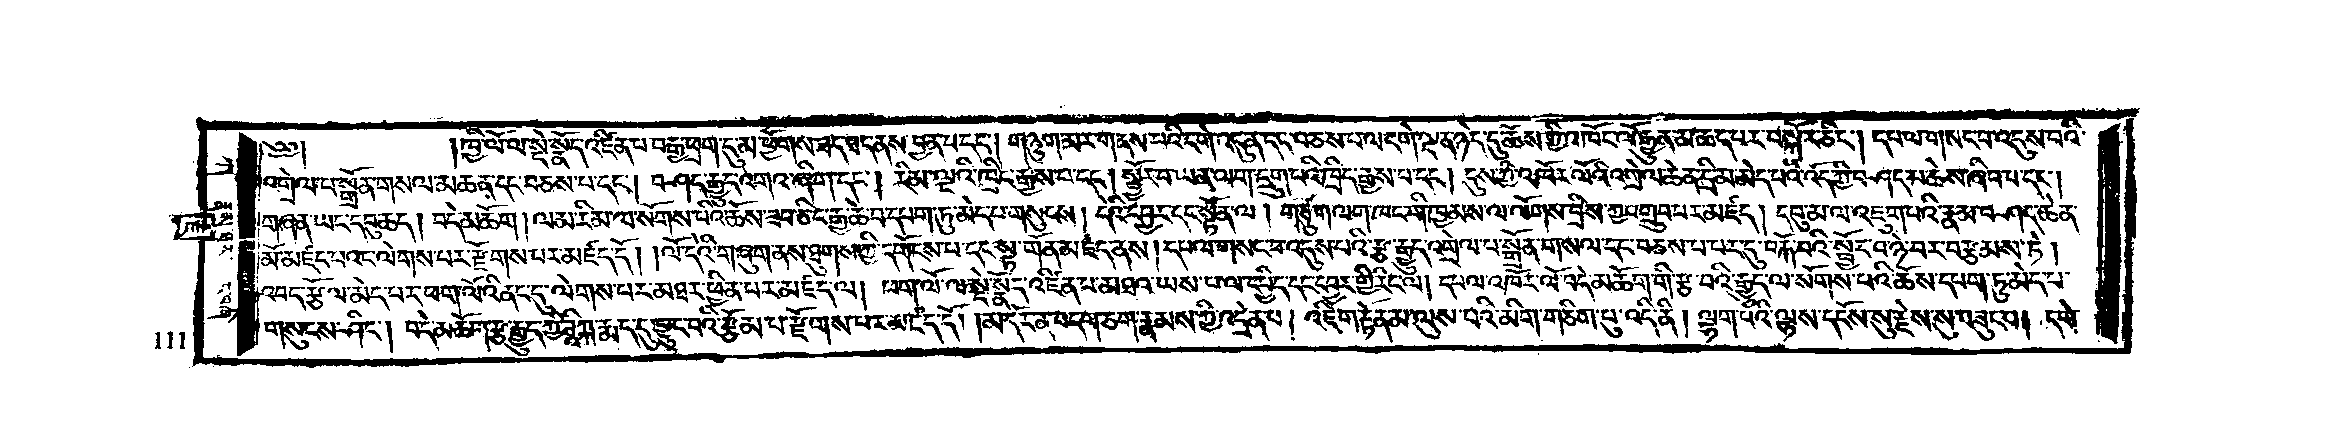༄༅། །ཁྱི་ལོ་ལ་སྡེ་སྣོད་འཛིན་པ་བརྒྱ་ཕྲག་དུ་མ་ཕྱོགས་ཐད་ཐད་ནས་བྱན་པ་དང་། གཉུག་མར་གནས་པའི་དགེ་འདུན་དང་བཅས་པ་ལ་དགེ་ལྡན་ཉེད་དུ་ཆོས་ཀྱི་འཁོང་ལོ་རྒྱུན་མ་ཆད་པར་བསྐོར་ཅིང་། དཔལ་གསང་བ་འདུས་པའི་
འགྲེལ་པ་སྒྲོན་གསལ་མཆན་དང་བཅས་པ་དང་། བཤད་རྒྱུད་འགའ་ཞིག་དང་། རིམ་ལྔའི་ཁྲིང་རྒྱས་པ་དང་། སྦྱོར་བ་ཡན་ལག་དྲུག་པའི་ཁྲིད་རྒྱས་པ་དང་། དུས་ཀྱི་འཁོར་ལོའི་འགྲེལ་ཆེན་དྲི་མ་མེད་པའི་འོད་ཀྱི་བཤད་པ་ཆེས་ཞིབ་པ་དང་།
གཞན་ཡང་དབུ་ཆད། བདེ་མཆོག །ལམ་རིམ་ལ་སོགས་པའི་ཆོས་ཟབ་ཅིང་རྒྱ་ཆེ་བ་དཔག་ཏུ་མེད་པ་གསུངས། དེའི་དབྱར་དང་སྟོན་ལ། གཙུག་ལག་ཁང་གི་ཁྱམས་ལ་ལོགས་བྲིས་ཀྱང་གྲུབ་པར་མཛད། དབུ་མ་ལ་འཇུག་པའི་རྣམ་བཤད་ཆེན་
མོ་མཛད་པའང་ལེགས་པར་རྫོགས་པར་མཛད་དོ། །ལོ་དེའི་གཞུག་ནས་ཐུགས་ཀྱི་དགོངས་པ་དང་སྟ་གོན་མཛད་ནས། དཔལ་གསང་བ་འདུས་པའི་རྩ་རྒྱུད་འགྲེལ་པ་སྒྲོན་གསལ་དང་བཅས་པ་པར་དུ་བརྐོ་བའི་སྦྱོར་བ་ཉེ་བར་བརྩམས་ཏེ།
འབད་རྩོལ་མེད་པར་ཕག་ལོའི་ནང་དུ་ལེགས་པར་མཐར་ཕྱིན་པར་མཛད་ལ། ཕག་ལོ་ལ་སྡེ་སྣོད་འཛིན་པ་མཐའ་ཡས་པ་ལ་དཔྱིད་དང་དབྱར་གྱི་རིང་ལ། དཔལ་འཁོར་ལོ་བདེ་མཆོག་གི་རྩ་བའི་རྒྱུད་ལ་སོགས་པའི་ཆོས་དཔག་ཏུ་མེད་པ་
གསུངས་ཤིང་། བདེ་མཆོག་རྩ་རྒྱུད་ཀྱི་ཊཱིཀྐ་རྨད་དུ་བྱུང་བའི་རྩོམ་པ་རྫོགས་པར་མཛད་དོ། །མདོར་ན་བདག་ཅག་རྣམས་ཀྱི་འདྲེན་པ། འཇིག་རྟེན་མ་ལུས་པའི་མིག་གཅིག་པུ་འདི་ནི། ལྷག་པའི་ལྷས་དངོས་སུ་རྗེས་སུ་བཟུང་བ། དགེ་